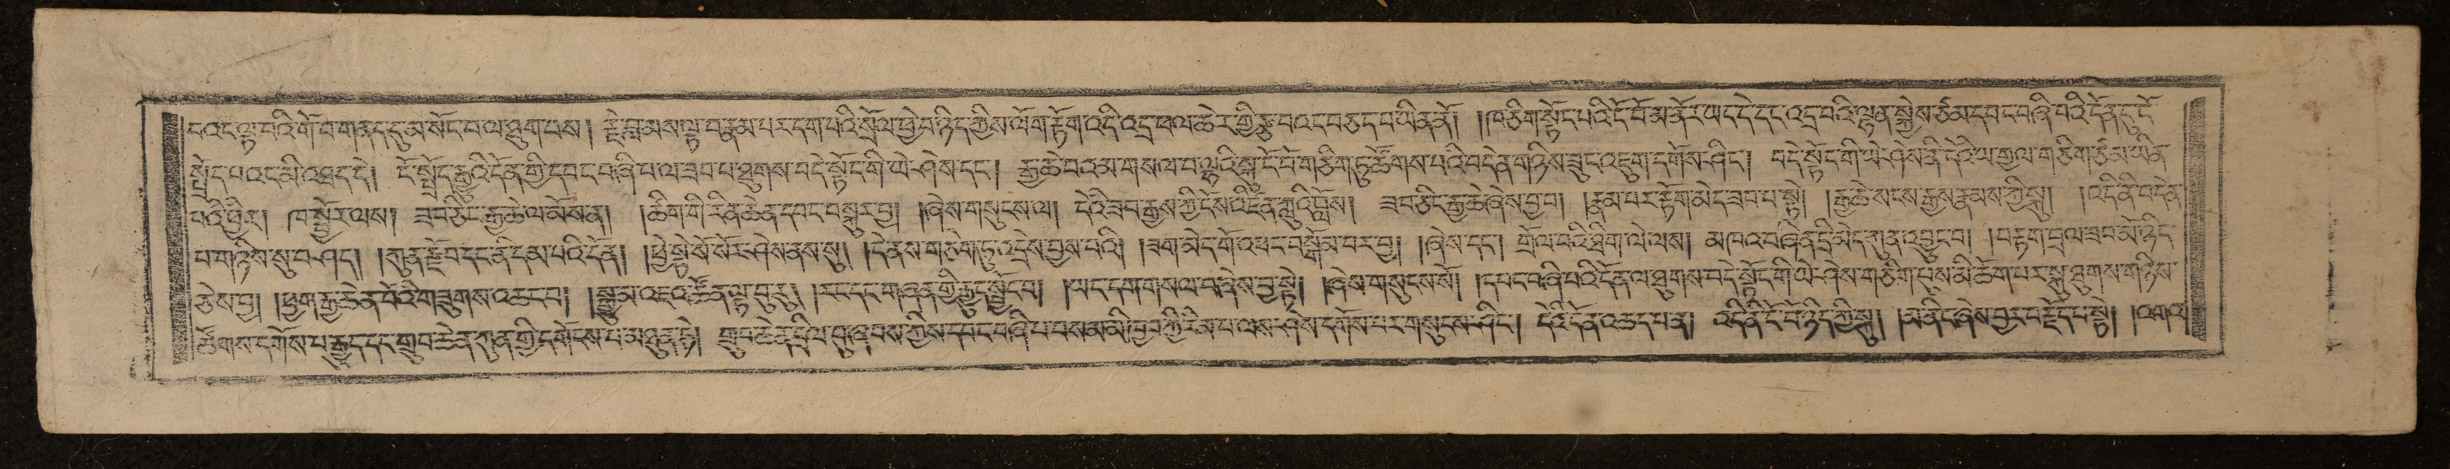པའང་ལྟ་བའི་གོ་བ་གནད་དུ་མ་སོང་བ་ལ་ཐུག་པས། རྗེ་བླམས་ལྟ་བ་རྣམ་པར་དག་པའི་སྲོལ་ཕྱེ་བ་ཉིད་ཀྱིས་ལོག་རྟོག་འདི་འདྲ་ཕལ་ཆེར་གྱི་རྩ་བའང་བཅད་པ་ཡིན་ནོ། །ཁ་ཅིག་སྟོང་པའི་ངོ་བོ་མ་ནོར་ཡང་དེ་དང་འདྲ་བའི་ལྷན་སྐྱེས་ཙམ་དབང་བཞི་པའི་དོན་དུ་ངོ་
སྤྲོད་བའང་མི་འཐད་དེ། ངོ་སྤྲོད་རྒྱུའི་དོན་གྱི་དབང་བཞི་པ་ལ་ཟབ་བ་ཐུགས་བདེ་སྟོང་གི་ཡེ་ཤེས་དང་། རྒྱ་ཆེ་བའམ་གསལ་བ་ལྷའི་སྐུ་ངོ་བོ་གཅིག་ཏུ་ཚོགས་པའི་བདེན་གཉིས་ཟུང་འཇུག་དགོས་ཤིང་། བདེ་སྟོང་གི་ཡེ་ཤེས་ནི་དེའི་ཡ་གྱལ་གཅིག་ཙམ་ཡིན་
པའི་ཕྱིར། ཁ་སྦྱོར་ལས། ཟབ་ཅིང་རྒྱ་ཆེ་ལ་མོས་ན། །ཚིག་གི་རིན་ཆེན་དབང་བསྐུར་བྱ། །ཞེས་གསུངས་ལ། དེའི་ཟབ་རྒྱས་ཀྱི་ངོས་འཛིན་ཀླུའི་བློས། ཟབ་ཅིང་རྒྱ་ཆེ་ཞེས་བྱ་བ། །རྣམ་པར་རྟོག་མེད་ཟབ་པ་སྟེ། །རྒྱ་ཆེ་སངས་རྒྱས་རྣམས་ཀྱི་སྐུ། །འདི་ནི་བདེན་
པ་གཉིས་སུ་བཤད། །ཀུན་རྗོབ་དང་ནི་དམ་པའི་དོན། །ཕྱེ་སྟེ་སོ་སོར་ཤེས་ནས་སུ། །དེ་ནས་གཅིག་ཏུ་འདྲེས་བྱས་པའི། །ཟག་མེད་གོ་འཕང་བསྒོམ་པར་བྱ། །ཞེས་དང་། གྲོལ་བའི་ཐིག་ལེ་ལས། མཁའ་བཞིན་དྲི་མེད་ཀུན་འབྱུང་བ། །བརྟག་བྲལ་ཟབ་མོ་ཉིད་
ཅེས་བྱ། །ཕྱག་རྒྱ་ཆེན་པོའི་གཟུགས་འཆང་བ། །སྒྱུམ་འཇའ་ཚོན་ལྟ་བུ་རུ། །རང་དང་གཞན་གྱི་རྒྱུད་སྦྱོང་བ། །ཡང་དག་གསལ་བ་ཞེས་བྱ་སྟེ། །ཞེས་གསུབས་སོ། །དབང་བཞི་བའི་དོན་ལ་ཐུགས་བདེ་སྟོང་གི་ཡེ་ཤེས་གཅིག་པུས་མི་ཆོག་པར་སྐུ་ཐུགས་གཉིས་
ཚོགས་དགོས་པ་རྒྱུད་དང་གྲུབ་ཆེན་ཀུན་གྱི་དགོངས་པ་མཐུན་ཏེ། གྲུབ་ཆེན་དྲིལ་བུ་ཞབས་ཀྱིས་དབང་བཞི་བ་བསམ་མི་ཁྱབ་ཀྱི་རིམ་པ་ལས་ཤེས་དགོས་པར་གསུངས་ཤིང་། དེའི་དོན་འཆད་པ་ན། འདི་ནི་ངོ་བོ་ཉིད་ཀྱི་སྐུ། །མ་ནིང་ཞེས་བྱར་བརྗོད་པ་སྟེ། །འགའ་